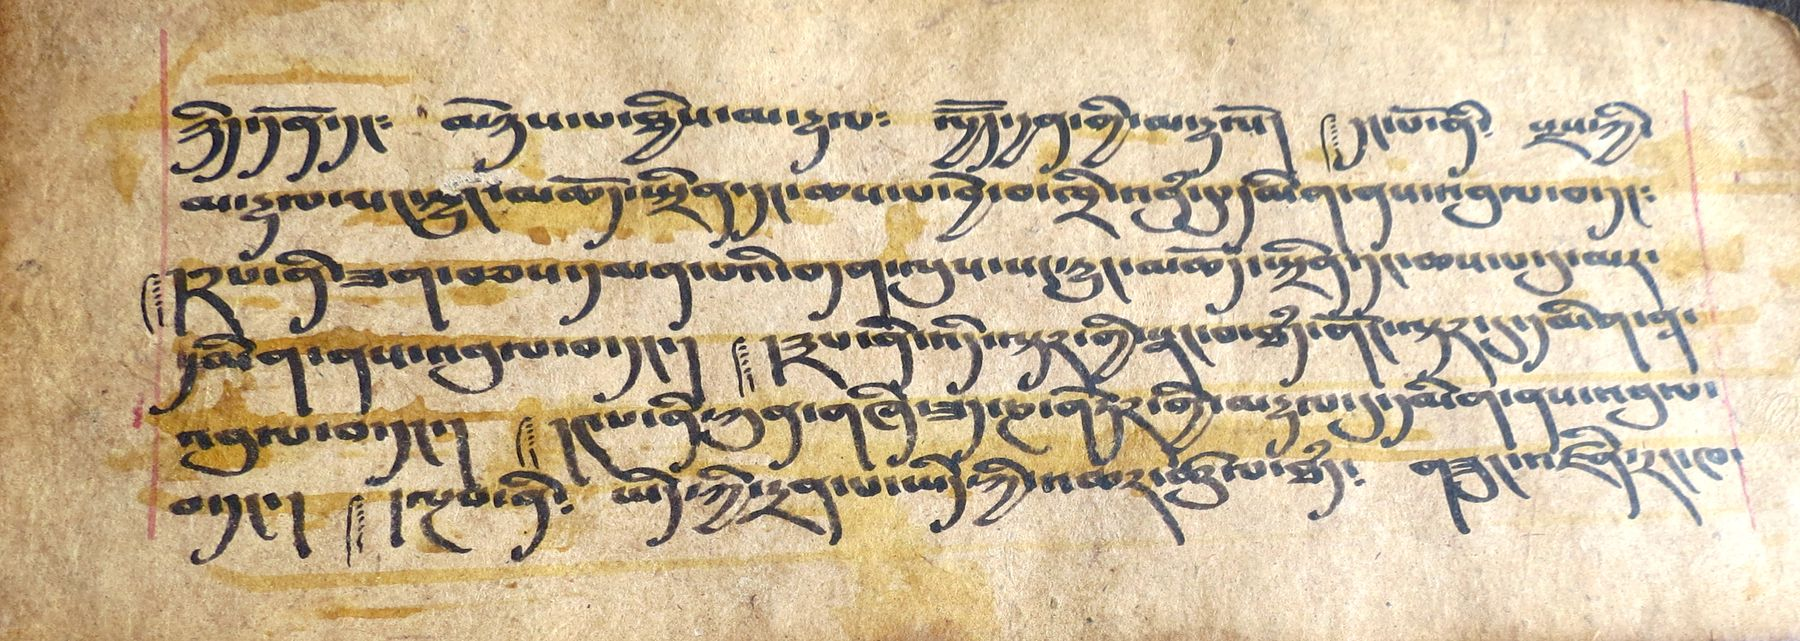དོན་དང་། མཉེས་པ་ཐུགས་ཀྱི་མ་འདལ། ལོངས་སྤྱོད་རྒྱན་གྱིས་མ་འདལ་ལོ། ། དང་པོ་ནི་རྫས་ཀྱི་
མ་འདལ་ཚངས་རྒྱུང་མཆོད་སྤྲིན་དང་བཅས་པ་བྱེ་བ་ཁྲག་ཁྲིག་འབུམ་དུ་དམིགས་ནས་འབུལ་བ་དང་། 
གཉིས་པ་ནི་ཟག་བཅས་དམན་པའི་བདག་ལུས་ཚངས་རྒྱུང་མཆོད་སྤྲིན་དང་ཆས་པ་དུ་མར་
དམིགས་ནས་འབུལ་བ་དང་། གསུམ་པ་ནི་འདི་ལྟར་གྱི་སྣང་བ་ཐམས་ཅད་གོང་ལྟར་མ་འདལ་དུ་དམིགས་ནས་
འབུལ་བ་དང་། བཞི་པ་ནི་ཀུན་གཞི་ཟད་མེད་གཏེར་ཆེན་གྱི་མ་འདལ་དུ་དམིགས་ནས་འབུལ་
བ་དང་། ལྔ་པ་ནི་དྲན་པ་ཡིད་ཀྱི་འཆར་ཚུལ་ཐམས་ཅད་གཟུང་འཛིན་རང་ཁ་